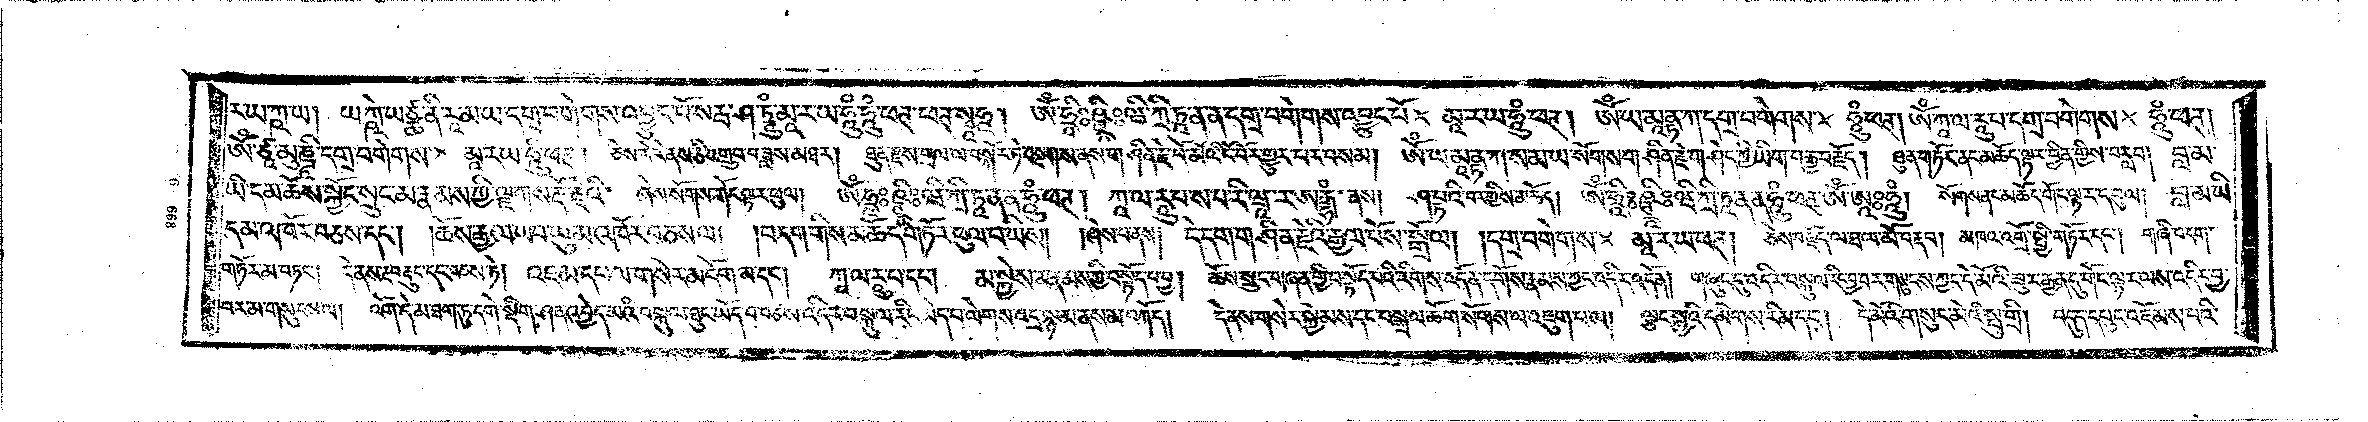ར་ཡ་ཀྵ་ཡ། ཡཀྵེ་ཡཙྪ་ནི་རཱ་མ་ཡ་དགྲ་བགེགས་འབྱུང་པོ་སརྦ་ཤ་ཏྲཱུ་མཱ་ར་ཡ་ཧཱུཾ་ཧཱུཾ་ཕཊ་ཕཊ་སྭྰྷཱ། ཨོཾ་ཧྲཱིཿཥྚཱིཿཝི་ཀྲི་ཏཱ་ན་ན་དགྲ་གེགས་བྱུང་པོ྾་མཱ་ར་ཡ་ཧཱུཾ་ཕཊ། ཨོཾ་ཡ་མཱ་ནྟ་ཀ་དགྲ་བགེགས྾་ཧཱུཾ་ཕཊ། ཨོཾ་ཀཱ་ལ་རཱུ་པ་དགྲ་བགེགས྾་ཧཱུཾ་ཕཊ།
ཨོཾ་ཙཱ་མུཎྜཱི་དགྲ་བགེགས྾་མཱ་ར་ཡ་ཧཱུཾ་ཕ། ཅེས་རེ་རེ་ནས་ཅི་འགྲུབ་བཟླས་མཐར། ཐུན་རྫས་གྲལ་ལ་བསྐོར་ཏེ་བསྔགས་ནས་གཤིན་ཇེ་ཕོ་མོའི་ངོ་བོར་གྱུར་བར་བསམ། ཨོཾ་ཡ་མཱནྟ་ཀ་ས་མ་ཡ་སོགས་ཀ་ཤིན་རྗེ་གཤེད་ཀྱི་ཡིག་བརྒྱ་བརྗོད། ཐུན་གཏོར་ནང་མཆོད་ལར་བྱིན་གྱིས་བརླབ། བླ་མ་
ཡི་དམ་ཆོས་སྐྱོང་སྲུང་མ་རྣམས་ཀྱི་ལྗགས་རྡོ་རྗེའི་ཞེས་སོགས་གོང་ལྟར་ཕུལ། ཨོཾ་ཧྲཱིཿཥྚིཿཝི་ཀྲི་ཏཱ་ན་ན་ཧཱུཾ་ཕཊ། ཀཱ་ལ་རཱུ་པ་ས་པ་རི་ཝཱ་ར་ཨརྒྷཾ་ནས། ཤཔྟའི་བར་གྱི་མཆོད། ཨོཾ་ཧྲཱིཿཥྚིཿཝི་ཀྲི་ཏཱ་ན་ན་ཧཱུཾ་ཕཊ་ཨོཾ་ཧཱཿཧཱུཾ། སོགས་ནང་མཆོད་གོང་ལྟར་དབུལ། བླ་མ་ཡི་
དམ་འཁོར་བཅས་དང་། །ཆོས་རྒྱལ་ཡབ་ཡུམ་འཁོར་བཅས་ལ། །བདག་གིས་མཆོད་གཏོར་ཕུལ་བ་ཡིས། །ཞེས་པ་ནས། དེ་དག་གཤིན་རྗེའི་རྒྱལ་པོས་སྒྲོལ། །དགྲ་བགེགས྾་མཱ་ར་ཡ་ཕཊ། ཅེས་བརྗོད་ལ་ཐལ་མོ་བརྡབ། མཁའ་འགྲོ་སྤྱི་གཏོར་དང་། གཞི་བདག་
གཏོར་མ་བཏང་། དེ་ནས་རྔ་བརྡུང་དང་བཅས་ཏེ། འཇམ་དཔལ་གསེར་མདོག་མ་དང་། ཀཱ་ལ་རཱུ་པ་དང་། མ་སྐྱེས་མ་རྣམས་ཀྱི་བསྟོད་པ་བྱ། ཆོས་སྲུང་གཞན་གྱི་བསྟོད་པའི་རིགས་འདོན་དགོས་རྣམས་ཀྱང་འདིར་འདོན། གཞུང་དུ་འདིར་བསྐུལ་བར་གསུངས་ཀྱང་དེ་མོའི་ཟུར་རྒྱན་དུ་གོང་ལྟར་ལས་འདིར་བྱ་
བར་མ་གསུངས་ལ། འོག་དེ་མ་ཐག་ཏུ་དགེ་སྡིག་ཤན་འབྱེད་མའི་བསྐུལ་ཐལ་ཐུང་ཡོད་པ་བཅས་འདིར་བསྐུལ་རིང་མེད་བ་ལེགས་འདྲ་སྙམ་ནས་མ་བཀོད། དེ་ནས་གསེར་སྐྱེམས་དང་བསྒྲལ་ཆོག་སོགས་ལ་འཇུག་པ་ལ། ལྕང་སྐྱའི་དམིགས་རིམ་དང་། དེ་མོའི་གསུང་མེའི་སྤུ་གྲི། བདུད་དཔུང་འཇོམས་པའི་